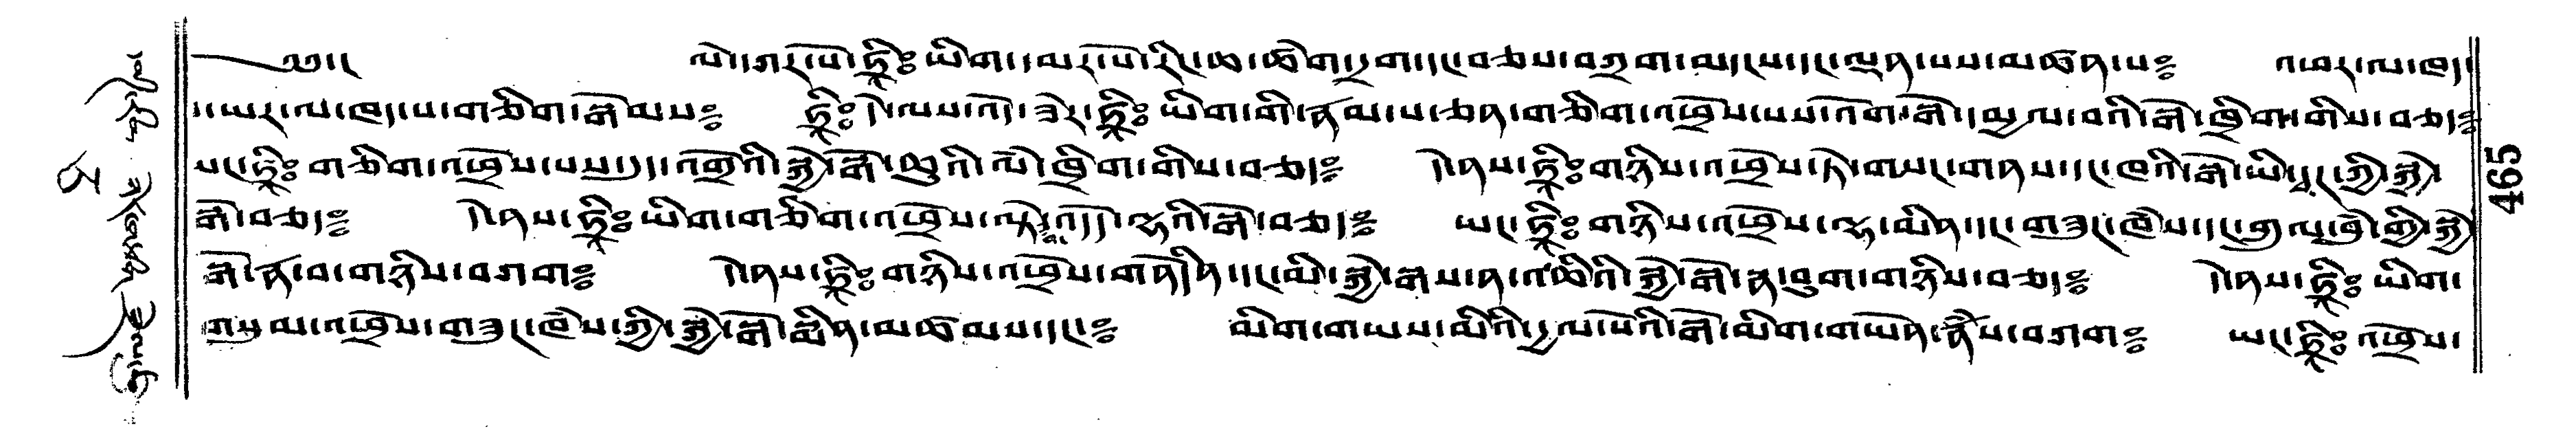ལེ་དཀར་པོ་ཧྲཱིཿཡིག་དམར་པོ་རིང་ཆ་ཚེག་དྲག་དང་བཅས་བཀྲག་མདངས་དང་ལྡན་པས་མཚན་པ༔ འཕར་ལ་ཁད་
པ་ཡར་ལ་ཁད་པ་གཅིག་སྒོམས༔ ཧྲཱིཿདེ་ལས་འོད་ཟེར་ཧྲཱིཿཡིག་གི་རྣམ་པ་ཅན་གཅིག་འཕྲོས་པས་འོག་སྒོ་དམྱལ་བའི་སྒོ་ཁྲིག་གིས་བཅད༔ 
ཡང་ཧྲཱིཿགཅིག་འཕྲོས་པས་དུད་འགྲོའི་སྐྱེ་སྒོ་ཆུའི་ལམ་ཁྲིག་གིས་བཅད༔ དེ་ནས་ཧྲཱིཿགཉིས་འཕྲོས་ཏེ་གསང་གནས་དང་ཁའི་སྒོ་ཡི་དྭགས་ཀྱི་སྐྱེ་
སྒོ་བཅད༔ དེ་ནས་ཧྲཱིཿཡིག་གཅིག་འཕྲོས༔ ལྟེ་བ་འདོད་ལྷའི་སྒོ་བཅད༔ ཡང་ཧྲཱིཿགཉིས་འཕྲོས༔ ལྷ་མིན་དང་གཟུགས་ཁམས་དང་གྲུལ་བུམ་གྱི་སྐྱེ་
སྒོ་རྣ་བ་གཉིས་བཀག༔ དེ་ནས་ཧྲཱིཿགཉིས་འཕྲོས༔ གནོད་སྦྱིན་དང་མི་སྐྱེ་རྒ་ན་འཆིའི་སྐྱེ་སྒོ་སྣ་བུག་གཉིས་བཅད༔ དེ་ནས་ཧྲཱིཿཡིག་
གསུམ་འཕྲོས༔ གཟུགས་ཁམས་ཀྱི་སྐྱེ་སྒོ་སྨིན་མཚམས་དང༔ མིའི་རྒྱལ་པོའི་སྐྱེ་སྒོ་མིག་གཡས་གཡོན་རྣམས་བཀག༔ཡང་ཧྲཱི༔འཕྲོས་